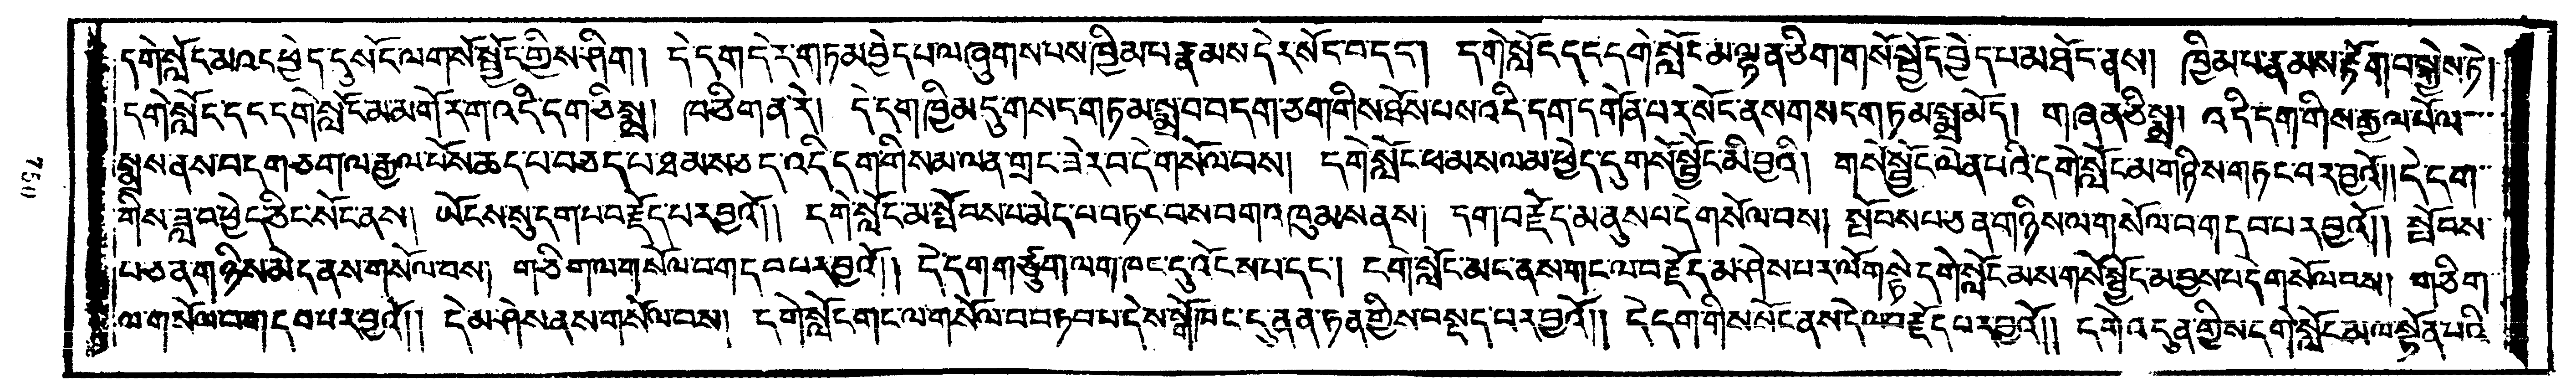དགེ་སློང་མའང་ཕྱེད་དུ་སོང་ལ་གསོ་སྦྱོང་གྱིས་ཤིག། དེ་དག་དེར་གཏམ་བྱེད་པ་ལ་ཞུགས་པས་ཁྱིམ་པ་རྣམས་དེར་སོང་བ་དང་། དགེ་སློང་དང་དགེ་སློང་མ་ལྷན་ཅིག་གསོ་སྦྱོང་བྱེད་པ་མཐོང་ནས། ཁྱིམ་པ་རྣམས་རྟོག་བསྐྱེས་ཏེ།
དགེ་སློང་དང་དགེ་སློང་མ་མགོར་ག་འདི་དག་ཅི་སྨྲ། ཁ་ཅིག་ན་རེ། དེ་དག་ཁྱིམ་དུ་གསང་གཏམ་སྨྲ་བ་བདག་ཅག་གིས་ཐོས་པས་འདི་དག་དགོན་པར་སོང་ནས་གསང་གཏམ་སྨྲ་མོད། གཞན་ཅི་སྨྲ། འདི་དག་གིས་རྒྱལ་པོ་ལ་
སྨྲས་ནས་བདག་ཅག་ལ་རྒྱལ་པོས་ཆད་པ་བཅད་པ་ཐམས་ཅད་འདི་དག་གིས་མ་ལན་གྲང་ཟེར་བ་དེ་གསོལ་བས། དགེ་སློང་ཕ་མས་ལམ་ཕྱེད་དུ་གསོ་སྦྱོང་མི་བྱའི། །གསོ་སྦྱོང་ལེན་པའི་དགེ་སློང་མ་གཉིས་གཏང་བར་བྱའོ། །དེ་དག་
གིས་ཟླ་བ་ཕྱེད་ཅིང་སོང་ནས། ཡོངས་སུ་དག་པ་བརྗོད་པར་བྱའོ།། དགེ་སློང་མ་སྤོབས་པ་མེད་པ་བཏང་བས་བག་འཁུམས་ནས། དག་བརྗོད་མ་ནུས་པ་དེ་གསོལ་བས། སྤོབས་པ་ཅན་གཉིས་ལ་གསོལ་བ་གདབ་པར་བྱའོ། །སྤོབས་
པ་ཅན་གཉིས་མེད་ནས་གསོལ་བས། གཅིག་ལ་གསོལ་བ་གདབ་པར་བྱའོ།། དེ་དག་གཙུག་ལག་ཁང་དུ་འོངས་པ་དང་། དགེ་སློང་མང་ནས་གང་ལ་བརྗོད་མ་ཤེས་པར་ལོག་སྟེ་དགེ་སློང་མས་གསོ་སྦྱོང་མ་བྱས་པ་དེ་གསོལ་བས། གཅིག་
ལ་གསོལ་བ་གདབ་པར་བྱའོ།། དེ་མ་ཤེས་ནས་གསོལ་བས། དགེ་སློང་གང་ལ་གསོལ་བ་བཏབ་པ་དེས་སྒོ་ཁང་དུ་ནན་ཏན་གྱིས་བསྡད་པར་བྱའོ།། དེ་དག་གིས་སོང་ནས་དེ་ལ་བརྗོད་པར་བྱའོ།། དགེ་འདུན་གྱིས་དགེ་སློང་མ་ལ་སྟོན་པའི་